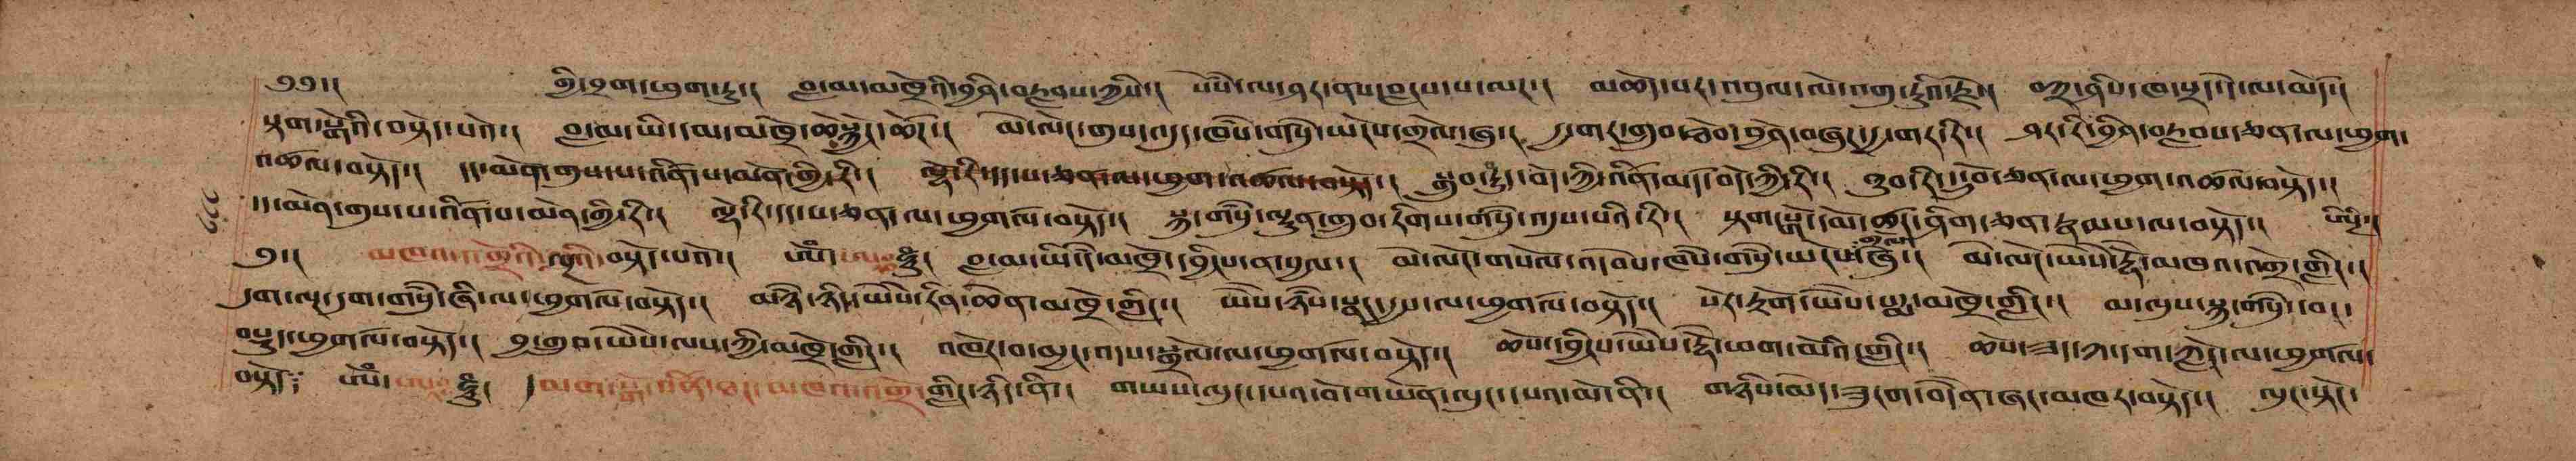༄༅།། གྱི་བྲག་ཕུག་ཏུ།། བླ་མ་མཁའ་འགྲོའི་བྱིན་རླབས་ཀྱིས།། སེམས་ལ་ཤར་ནས་བླངས་པ་ལགས།། མཆོད་པ་འབུལ་ལོ་འགུ་རུའི་རྗེ།། བཀྲ་ཤིས་ཁ་སྲད་དེ་ལ་མཛོད།། 
སྟག་སྒོའི་བསྟོད་པའོ།། བླ་མ་ཡིད་དམ་མཁའ་འགྲོ་ཆོས་སྐྱོང་ཚོགས།། མེ་ལོང་གུས་འདུད་ཁམས་གསུམ་ཡོངས་གྲོལ་ཞུ།། རྒྱ་གར་གྲུབ་ཐོབ་བྱོན་བཞུགས་རྒྱ་གར་རི།། ཤར་རི་བྱིན་རླབས་ཅན་ལ་ཕྱག་
འཚལ་བསྟོད།། སྒྲུབ་རྒྱུད་བོད་ཀྱི་འཛིན་མཛད་བདོ་ཀྱི་རི།། ནུབ་རི་དངོས་གྲུབ་ཅན་ལ་ཕྱག་འཚལ་བསྟོད།། 
དད་མོས་གུས་པ་འཛིན་པ་མོན་གྱི་རི།། ལྷོ་རི་དད་པ་ཅན་ལ་ཕྱག་འཚལ་བསྟོད།། སྐུ་གསུམ་ལྷུན་གྲུབ་རིགས་གསུམ་འདུས་པའི་རི།། སྟག་སྒོ་དོམ་ཚང་ཤིག་ཅན་རྣམས་ལ་བསྟོད།། ཨིཊི
།། ༄་། མཁའ་འགྲོའི་ལྔའི་བསྟོད་པའོ།། ཨོཾ་ཨཱཿཧཱུཾ། བླ་མ་ཡི་དམ་མཁའ་འགྲོ་དབྱིངས་ན་གསལ།། མེ་ལོང་གསོལ་འདེབས་ཁམས་གསུམ་ཡོངས་ལ་ཞུ།། མེ་ལོང་ཡེ་ཤེས་རྡོ་རྗེ་མཁའ་འགྲོ་གླིང་།། 
དུག་ལྔ་དུག་གསུམ་ཞི་ལ་ཕྱག་འཚལ་བསྟོད།། མཉམ་ཉིད་ཡེ་ཤེས་རིན་ཆེན་མཁའ་འགྲོ་གླིང་།། ཡེ་ཤེས་ཉམས་སྣང་རྒྱས་ལ་ཕྱག་འཚལ་བསྟོད།། སོར་རྟོག་ཡེ་ཤེས་པདྨ་མཁའ་འགྲོ་གླིང་།། མ་ལུས་སྐུ་གསུམ་དབང་
བསྡུད་ཕྱག་འཚལ་བསྟོད།། བྱ་གྲུབ་ཡེ་ཤེས་ལས་ཀྱི་མཁའ་འགྲོ་གླིང་།། འཁོར་བ་མྱང་འདས་སྒྲོལ་ལ་ཕྱག་འཚལ་བསྟོད།། ཆོས་དབྱིངས་ཡེ་ཤེས་རྡོ་རྗེ་ཕག་མོའི་གླིང་།། ཆོས་ཟད་ཀ་དག་ཀློང་ལ་ཕྱག་འཚལ་
བསྟོད།། ཨོཾ་ཨཱཿཧཱུཾ། དམག་སྒོ་འཛིན་ཐང་མཁའ་འགྲོ་གླིང་ཉིད་ནི།། གཡས་ལུང་དཔའ་བོ་གཡོན་ལུང་དཔའ་མོ་ནི།། གཉིས་མེད་ཟུང་འཇུག་བདེ་ཆེན་ཞང་མཁར་བསྟོད།། ལུང་སྟོང་